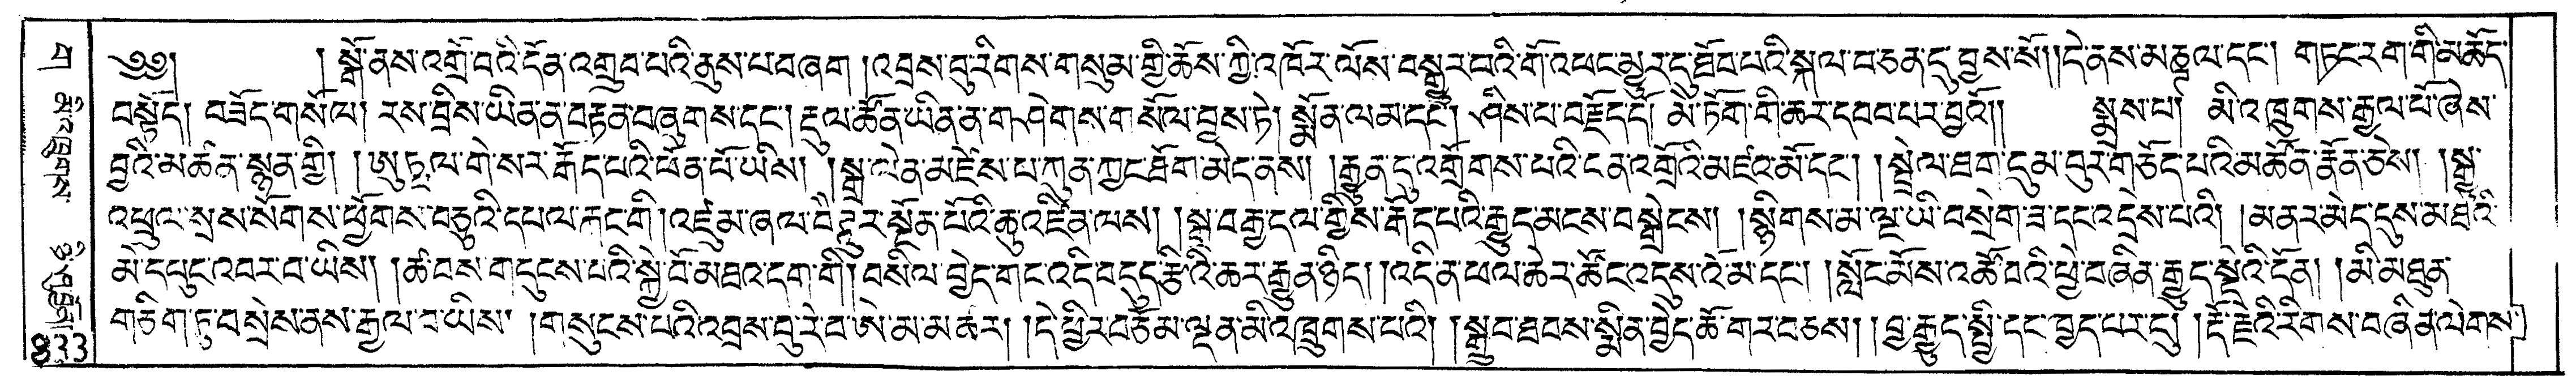༄༅། །སྒོ་ནས་འགྲོ་བའི་དོན་འགྲུབ་པའི་ནུས་པ་བཞག །འབྲས་བུ་རིགས་གསུམ་གྱི་ཆོག་ཀྱི་འཁོར་ལོས་བསྒྱུར་བའི་གོ་འཕང་མྱུར་དུ་ཐོབ་པའི་སྐལ་བ་ཅན་དུ་བྱས་སོ། །དེ་ནས་མཎྜལ་དང་། གཏང་རག་གི་མཆོད་
བསྟོད། བཟོད་གསོལ། རས་བྲིས་ཡིན་ན་བརྟན་བཞུགས་དང་། རྡུལ་ཚོན་ཡིན་ན་གཤེགས་གསོལ་བྱས་ཏེ། སྨོན་ལམ་དང་། ཤིས་པ་བརྗོད་དོ། མེ་ཏོག་གི་ཆར་དབབ་པར་བྱའོ།། སྨྲས་པ། མི་འཁྲུགས་རྒྱལ་པོ་ཞེས་
བྱའི་མཚན་སྙན་གྱི། །ཨུཏྤལ་གེ་སར་རྒོད་པའི་ཕོན་པོ་ཡིས། །སྒྲ་ལེན་མཛེས་པ་ཀུན་ཀྱང་ཐོག་མེད་ནས། །རྒྱུན་དུ་འགྲོགས་པའི་ངན་འགྲོའི་མཛའ་མོ་དང་། །སྦྲེལ་ཐག་དུམ་བུར་གཅོད་པའི་མཚོན་རྣོན་ཅེས། །སྒྱུ་
འཕྲུལ་སྲས་སོགས་ཕྱོགས་བཅུའི་དཔལ་རྐང་གི །འཛུམ་ཞལ་བཻཌཱུར་སྔོན་པོའི་ཆུ་འཛིན་ལས། །སྒྲ་བརྒྱ་དལ་གྱིས་རྒོད་པའི་རྒྱུད་མངས་བསྒྲེངས། །སྙིགས་མ་ལྔ་ཡི་བསྲེག་ཟ་དང་འདྲེས་པའི། །མནར་མེད་དུས་མཐའི་
མེ་དཔུང་འབར་བ་ཡིས། །ཚ་བས་གདུངས་པའི་སྐྱེ་བོ་མཐའ་དག་གི །བསིལ་བྱེད་གང་འདི་བདུད་རྩིའི་ཆར་རྒྱུན་ཉིད། །འདི་ན་ཕལ་ཆེར་ཚོང་འདུས་འོ་མ་དང་། །སློང་མོས་འཚོ་བའི་ཕྱེ་བཞིན་རྒྱུད་སྡེའི་དོན། །མི་མཐུན་
གཅིག་ཏུ་བསྲེས་ནས་རྒྱལ་བ་ཡིས། །གསུངས་པའི་འབྲས་བུ་རེ་བ་ཨེ་མ་མཚར། །དེ་ཕྱིར་བཅོམ་ལྡན་མི་འཁྲུགས་པའི། །སྒྲུབ་ཐབས་སྨིན་བྱེད་ཆོ་གར་བཅས། །བྱ་རྒྱུད་སྤྱི་དང་ཁྱད་པར་དུ། །རྡོ་རྗེའི་རིགས་བཞི་ལེགས་